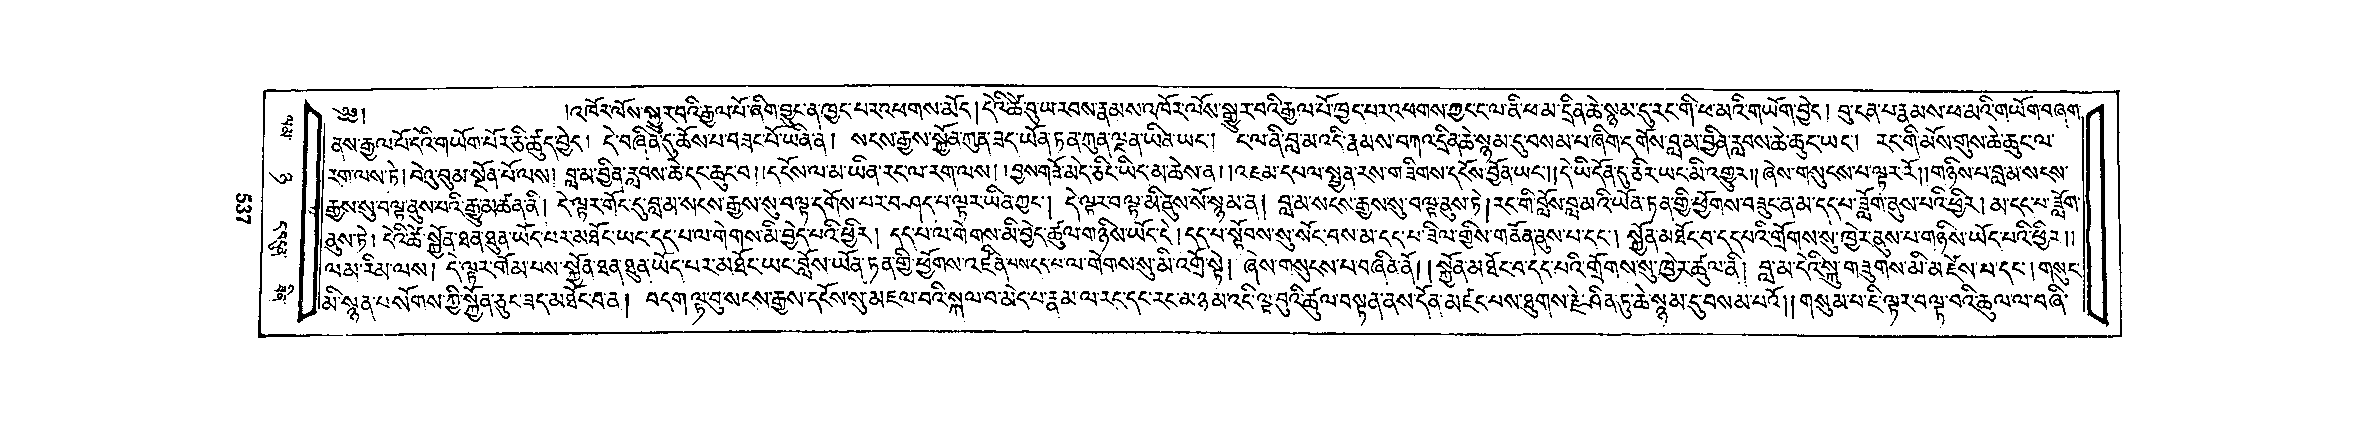༄༅། །འཁོར་ལོས་སྒྱུར་བའི་རྒྱལ་པོ་ཞིག་བྱུང་ན་ཁྱད་པར་འཕགས་མོད། དེའི་ཚེ་བུ་ཡ་རབས་རྣམས་འཁོར་ལོས་སྒྱུར་བའི་རྒྱལ་པོ་ཁྱད་པར་འཕགས་ཀྱང་ང་ལ་ནི་ཕ་མ་དྲིན་ཆེ་སྙམ་དུ་རང་གི་ཕ་མའི་གཡོག་བྱེད། བུ་ངན་པ་རྣམས་ཕ་མའི་གཡོག་བཞག་
ནས་རྒྱལ་པོ་དེའི་གཡོག་པོར་ཅི་ཚུད་བྱེད། དེ་བཞིན་དུ་ཆོས་པ་བཟང་པོ་ཡིན་ན། སངས་རྒྱས་སྐྱོན་ཀུན་ཟད་ཡོན་ཏན་ཀུན་ལྡན་ཡིན་ཡང་། ང་ལ་ནི་བླ་མ་འདི་རྣམས་བཀའ་དྲིན་ཆེ་སྙམ་དུ་བསམ་པ་ཞིག་དགོས་བླ་མ་བྱིན་རླབས་ཆེ་ཆུང་ཡང་། རང་གི་མོས་གུས་ཆེ་ཆུང་ལ་
རག་ལས་ཏེ། བེའུ་བུམ་སྔོན་པོ་ལས། བླ་མ་བྱིན་རླབས་ཆེ་དང་ཆུང་བ། །དངོས་ལ་མ་ཡིན་རང་ལ་རག་ལས། །བྱས་གཟོ་མེད་ཅིང་ཡིད་མ་ཆེས་ན། །འཇམ་དཔལ་སྤྱན་རས་གཟིགས་དངོས་བྱོན་ཡང་། །དེ་ཡི་དོན་དུ་ཅིར་ཡང་མི་འགྱུར། །ཞེས་གསུངས་པ་ལྟར་རོ། །གཉིས་པ་བླ་མ་སངས་
རྒྱས་སུ་བལྟ་ནུས་པའི་རྒྱུ་མཚན་ནི། དེ་ལྟར་གོང་དུ་བླ་མ་སངས་རྒྱས་སུ་བལྟ་དགོས་པར་བཤད་པ་ལྟར་ཡིན་ཀྱང་། དེ་ལྟར་བལྟ་མི་ནུས་སོ་སྙམ་ན། བླ་མ་སངས་རྒྱས་སུ་བལྟ་ནུས་ཏེ། རང་གི་བློས་བླ་མའི་ཡོན་ཏན་གྱི་ཕྱོགས་བཟུང་ན་མ་དད་པ་ཟློག་ནུས་པའི་ཕྱིར། མ་དད་པ་ཟློག་
ནུས་ཏེ། དེའི་ཚེ་སྐྱོན་ཐན་ཐུན་ཡོད་པར་མཐོང་ཡང་དད་པ་ལ་གེགས་མི་བྱེད་པའི་ཕྱིར། དད་པ་ལ་གེགས་མི་བྱེད་ཚུལ་གཉིས་ཡོད་དེ། དད་པ་སྟོབས་སུ་སོང་བས་མ་དད་པ་ཟིལ་གྱིས་གནོན་ནུས་པ་དང་། སྐྱོན་མཐོང་བ་དད་པའི་གྲོགས་སུ་ཁྱེར་ནུས་པ་གཉིས་ཡོད་པའི་ཕྱིར། །
ལམ་རིམ་ལས། དེ་ལྟར་གོམ་པས་སྐྱོན་ཐན་ཐུན་ཡོད་པར་མཐོང་ཡང་བློས་ཡོན་ཏན་གྱི་ཕྱོགས་འཛིན་པས་དད་པ་ལ་གེགས་སུ་མི་འགྲོ་སྟེ། ཞེས་གསུངས་པ་བཞིན་ནོ། །སྐྱོན་མཐོང་བ་དད་པའི་གྲོགས་སུ་ཁྱེར་ཚུལ་ནི། བླ་མ་དེའི་སྐུ་གཟུགས་མི་མཛེས་པ་དང་། གསུང་
མི་སྙན་པ་སོགས་ཀྱི་སྐྱོན་ཅུང་ཟད་མཐོང་བ་ན། བདག་ལྟ་བུ་སངས་རྒྱས་དངོས་སུ་མཇལ་བའི་སྐལ་བ་མེད་པ་རྣམ་ལ་རང་དང་རང་མཉམ་འདི་ལྟ་བུའི་ཚུལ་བསྟན་ནས་དོན་མཛད་པས་ཐུགས་རྗེ་ཤིན་ཏུ་ཆེ་སྙམ་དུ་བསམ་པའོ། །གསུམ་པ་ཇི་ལྟར་བལྟ་བའི་ཚུལ་ལ་བཞི་